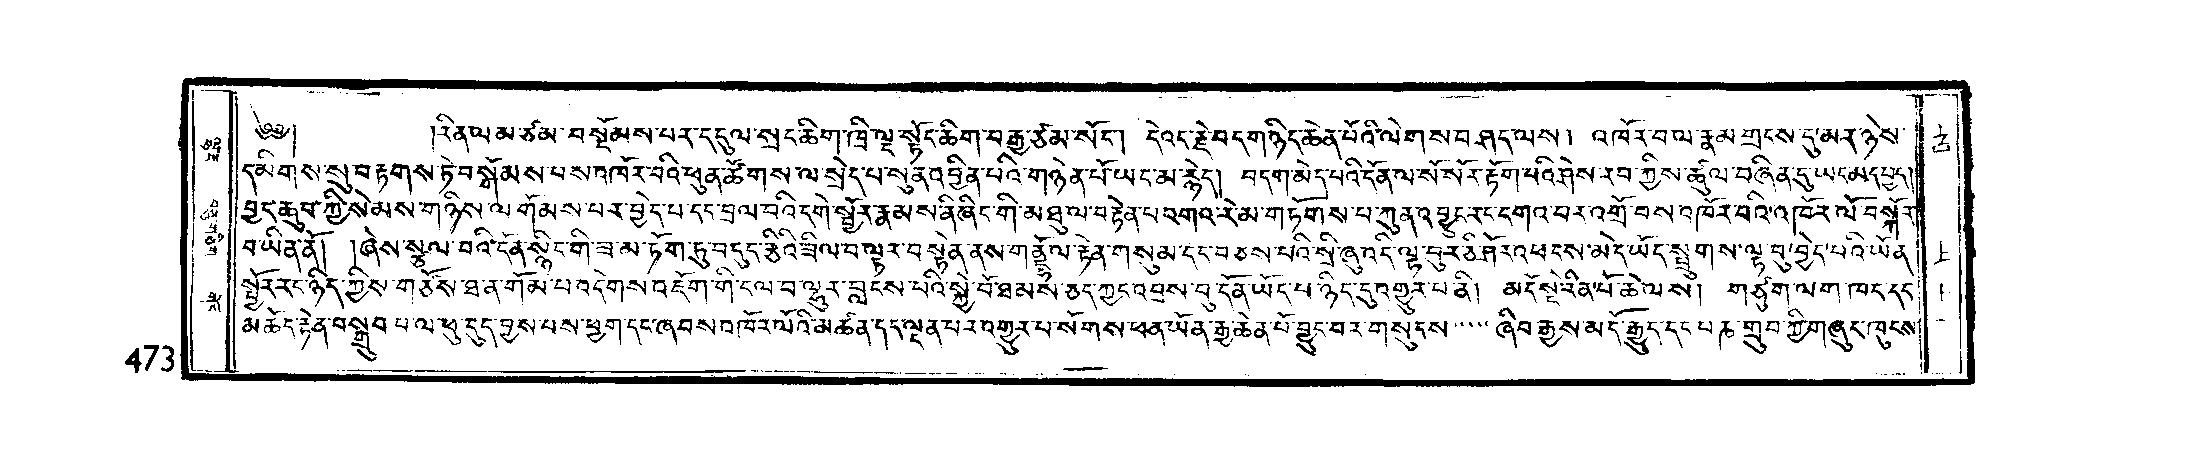༄༅། །རིན་ལམ་ཙམ་བསྡོམས་པར་དངུལ་སྲང་ཆིག་ཁྲི་ལྔ་སྟོང་ཆིག་བརྒྱ་ཙམ་སོང་། དེའང་རྗེ་བདག་ཉིད་ཆེན་པོའི་ལེགས་བཤད་ལས། འཁོར་བ་ལ་རྣམ་གྲངས་དུ་མར་ཉེས་
དམིགས་སུ་བརྟགས་ཏེ་བསྒོམས་པས་འཁོར་བའི་ཕུན་ཚོགས་ལ་སྲེད་པ་སུན་འབྱིན་པའི་གཉེན་པོ་ཡང་མ་རྙེད། བདག་མེད་པའི་དོན་ལ་སོ་སོར་རྟོག་པའི་ཤེས་རབ་ཀྱིས་ཚུལ་བཞིན་དུ་ཡང་མ་དཔྱད།
བྱང་ཆུབ་ཀྱི་སེམས་གཉིས་ལ་གོམས་པར་བྱེད་པ་དང་བྲལ་བའི་དགེ་སྦྱོར་རྣམས་ནི་ཞིང་གི་མཐུ་ལ་བརྟེན་པ་འགའ་རེ་མ་གཏོགས་པ་ཀུན་འབྱུང་རང་དགའ་བར་འགྲོ་བས་འཁོར་བའི་འཁོར་ལོ་བསྐོར་
བ་ཡིན་ནོ། །ཞེས་སྩལ་བའི་དོན་སྙིང་གི་ཟ་མ་ཏོག་ཏུ་བདུད་རྩིའི་ཟིལ་བ་ལྟར་བསྟེན་ནས་གནྡྷོ་ལ་རྟེན་གསུམ་དང་བཅས་པའི་སྲི་ཞུ་འདི་ལྟ་བུར་ཅི་ཤོར་འཕངས་མེད་ཡོད་སྤྲུགས་ལྟ་བུ་བྱེད་པའི་ཡོན་
སྤྱོར་རང་ཉིད་ཀྱིས་གཙོས་ཐ་ན་གོམ་པ་འདེགས་འཇོག་གི་ངལ་བ་ལྷུར་བླངས་པའི་སྐྱེ་བོ་ཐམས་ཅད་ཀྱང་འབྲས་བུ་དོན་ཡོད་པ་ཉིད་དུ་འགྱུར་པ་ནི། མདོ་སྡེ་རིན་པོ་ཆེ་ལས། གཙུག་ལག་ཁང་དང་
མཆོད་རྟེན་བསྒྲུབ་པ་ལ་ཕུ་དུད་བྱས་པས་ཕྱག་དང་ཞབས་འཁོར་ལོའི་མཚན་དང་ལྡན་པར་འགྱུར་པ་སོགས་ཕན་ཡོན་རྒྱ་ཆེན་པོ་བྱུང་བར་གསུངས་ཞིབ་རྒྱས་མདོ་རྒྱུད་དང་པཎ་གྲུབ་ཀྱི་གཞུང་ཁུངས་